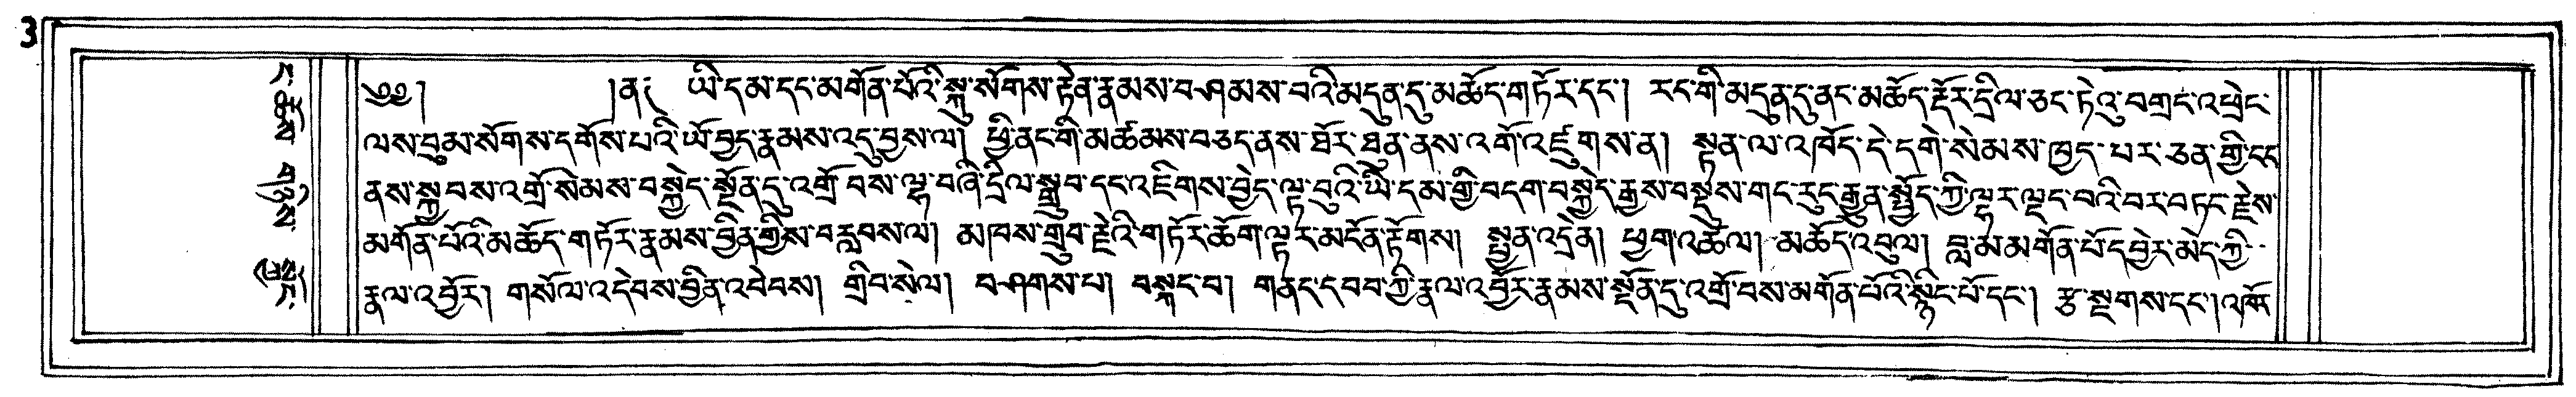༄༅། །ན༑ ཡི་དམ་དང་མགོན་པོའི་སྐུ་སོགས་རྟེན་རྣམས་བཤམས་པའི་མདུན་དུ་མཆོད་གཏོར་དང་། རང་གི་མདུན་དུ་ནང་མཆོད་རྡོར་དྲིལ་ཅང་ཏེའུ་བགྲང་འཕྲེང་
ལས་བུམ་སོགས་དགོས་པའི་ཡོ་བྱད་རྣམས་འདུ་བྱས་ལ། ཕྱི་ནང་གི་མཚམས་བཅད་ནས་ཐོར་ཐུན་ནས་འགོ་འཛུགས་ན། སྟན་ལ་འཁོད་དེ་དགེ་སེམས་ཁྱད་པར་ཅན་གྱི་ངང་
ནས་སྐྱབས་འགྲོ་སེམས་བསྐྱེད་སྔོན་དུ་འགྲོ་བས་ལྷ་བཞི་དྲིལ་སྒྲུབ་དང་འཇིགས་བྱེད་ལྟ་བུའི་ཡི་དམ་གྱི་བདག་བསྐྱེད་རྒྱས་བསྡུས་གང་རུང་རྒྱུན་སྤྱོད་ཀྱི་ལྷར་ལྡང་བའི་བར་བཏང་རྗེས་
མགོན་པོའི་མཆོད་གཏོར་རྣམས་བྱིན་གྱིས་བརླབས་ལ། མཁས་གྲུབ་རྗེའི་གཏོར་ཆོག་ལྟར་མངོན་རྟོགས། སྤྱན་འདྲེན། ཕྱག་འཚལ། མཆོད་འབུལ། བླ་མ་མགོན་པོ་དབྱེར་མེད་ཀྱི་
རྣལ་འབྱོར། གསོལ་འདེབས་བྱིན་འབེབས། གྲིབ་སེལ། བཤགས་པ། བསྐང་བ། གནང་དབབ་ཀྱི་རྣལ་འབྱོར་རྣམས་སྔོན་དུ་འགྲོ་བས་མགོན་པོའི་སྙིང་པོ་དང་། རྩ་སྔགས་དང་། འཁོར་